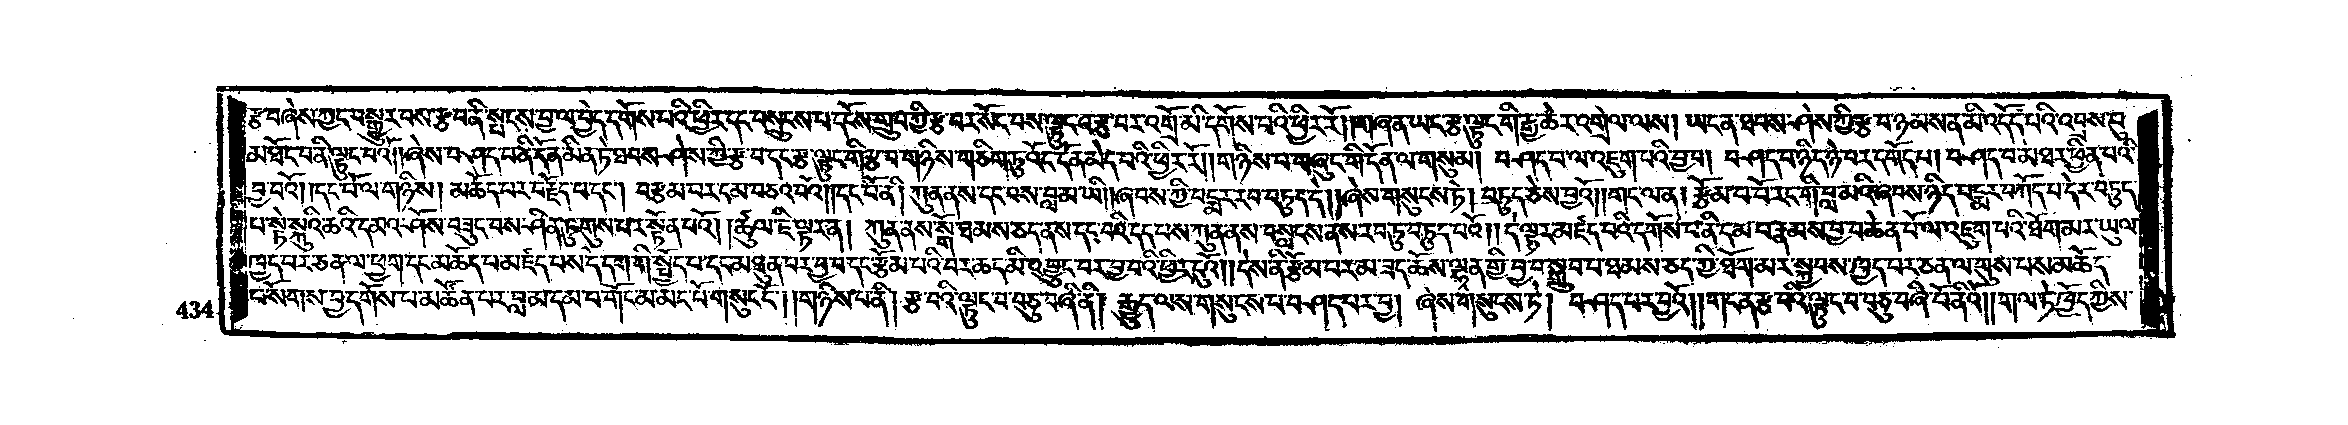རྩ་བཞེས་ཀྱང་བསྒྱུར་བས་རྩ་བ་ནི་སྤངས་བྱ་ལ་བྱེད་དགོས་པའི་ཕྱིར་དང་བསྲུངས་པ་དངོས་གྲུབ་ཀྱི་རྩ་བར་སོང་བས་ལྟུང་བ་རྩ་བར་འགྲོ་མི་དགོས་པའི་ཕྱིར་རོ། །གཞན་ཡང་རྩ་ལྟུང་གི་རྒྱ་ཆེར་འགྲེལ་ལས། ཡང་ན་ཐབས་ཤེས་ཀྱི་རྩ་བ་ཉམས་ན་མི་འདོད་པའི་འབྲས་བུ་
མཐོང་བ་ནི་ལྟུང་བའོ། །ཞེས་བཤད་པ་ནི་དོན་མིན་ཏེ་ཐབས་ཤེས་ཀྱི་རྩ་བ་དང་རྩ་ལྟུང་གི་རྩ་བ་གཉིས་གཅིག་ཏུ་འོང་དོན་མེད་པའི་ཕྱིར་རོ། །གཉིས་པ་གཞུང་གི་དོན་ལ་གསུམ། བཤད་པ་ལ་འཇུག་པའི་བྱ་བ། བཤད་པ་ཉིད་ཉེ་བར་དགོད་པ། བཤད་པ་མཐར་ཕྱིན་པའི་
བྱ་བའོ། །དང་པོ་ལ་གཉིས། མཆོད་པར་བརྗོད་པ་དང་། བརྩམ་པར་དམ་བཅའ་བའོ། །དང་པོ་ནི། ཀུན་ནས་དང་བས་བླ་མ་ཡི། །ཞབས་ཀྱི་པདམར་རབ་བཏུད་དེ། །ཞེས་གསུངས་ཏེ། བཏུད་ཅེས་བྱའོ། །གང་ལ་ན། རྩོམ་པ་པོ་རང་གི་བླ་མའི་ཞབས་ཉིད་པདམར་བཀོད་པ་དེར་བཏུད་
པ་སྟེ་སྐུའི་ཆའི་དམའ་ཤོས་བཟུང་བས་ཤིན་ཏུ་གུས་པར་སྟོན་པའོ། །ཚུལ་ཇི་ལྟར་ན། ཀུན་ནས་སྒོ་ཐམས་ཅད་ནས་དང་བའི་དད་པས་ཀུན་ནས་བསླངས་ནས་རབ་ཏུ་བཏུད་པའོ། །དེ་ལྟར་མཛད་པའི་དགོས་པ་ནི་དམ་པ་རྣམས་བྱ་བ་ཆེན་པོ་ལ་འཇུག་པའི་ཐོག་མར་ཡུལ་
ཁྱད་པར་ཅན་ལ་ཕྱག་དང་མཆོད་པ་མཛད་པས་དེ་དག་གི་སྤྱོད་པ་དང་མཐུན་པར་བྱ་བ་དང་རྩོམ་པའི་བར་ཆད་མི་འབྱུང་བར་བྱ་བའི་ཕྱིར་དུའོ། །དེས་ནི་རྩོམ་པར་མ་ཟད་ཆོས་ལྷན་གྱི་བྱ་བ་སྒྲུབ་པ་ཐམས་ཅད་ཀྱི་ཐོག་མར་སྐྱབས་ཁྱད་པར་ཅན་ལ་གུས་པས་མཆོད་
པ་སོགས་བྱ་དགོས་པ་མཚོན་པར་བླ་མ་དམ་པ་གོང་མ་མང་པོ་གསུང་ངོ། །གཉིས་པ་ནི། རྩ་བའི་ལྟུང་བ་བཅུ་བཞི་ནི། རྒྱུད་ལས་གསུངས་པ་བཤད་པར་བྱ། ཞེས་གསུངས་ཏེ། བཤད་པར་བྱའོ། །གང་ན་རྩ་བའི་ལྟུང་བ་བཅུ་བཞི་པོ་ནིའོ། །གལ་ཏེ་ཁྱོད་ཀྱིས་